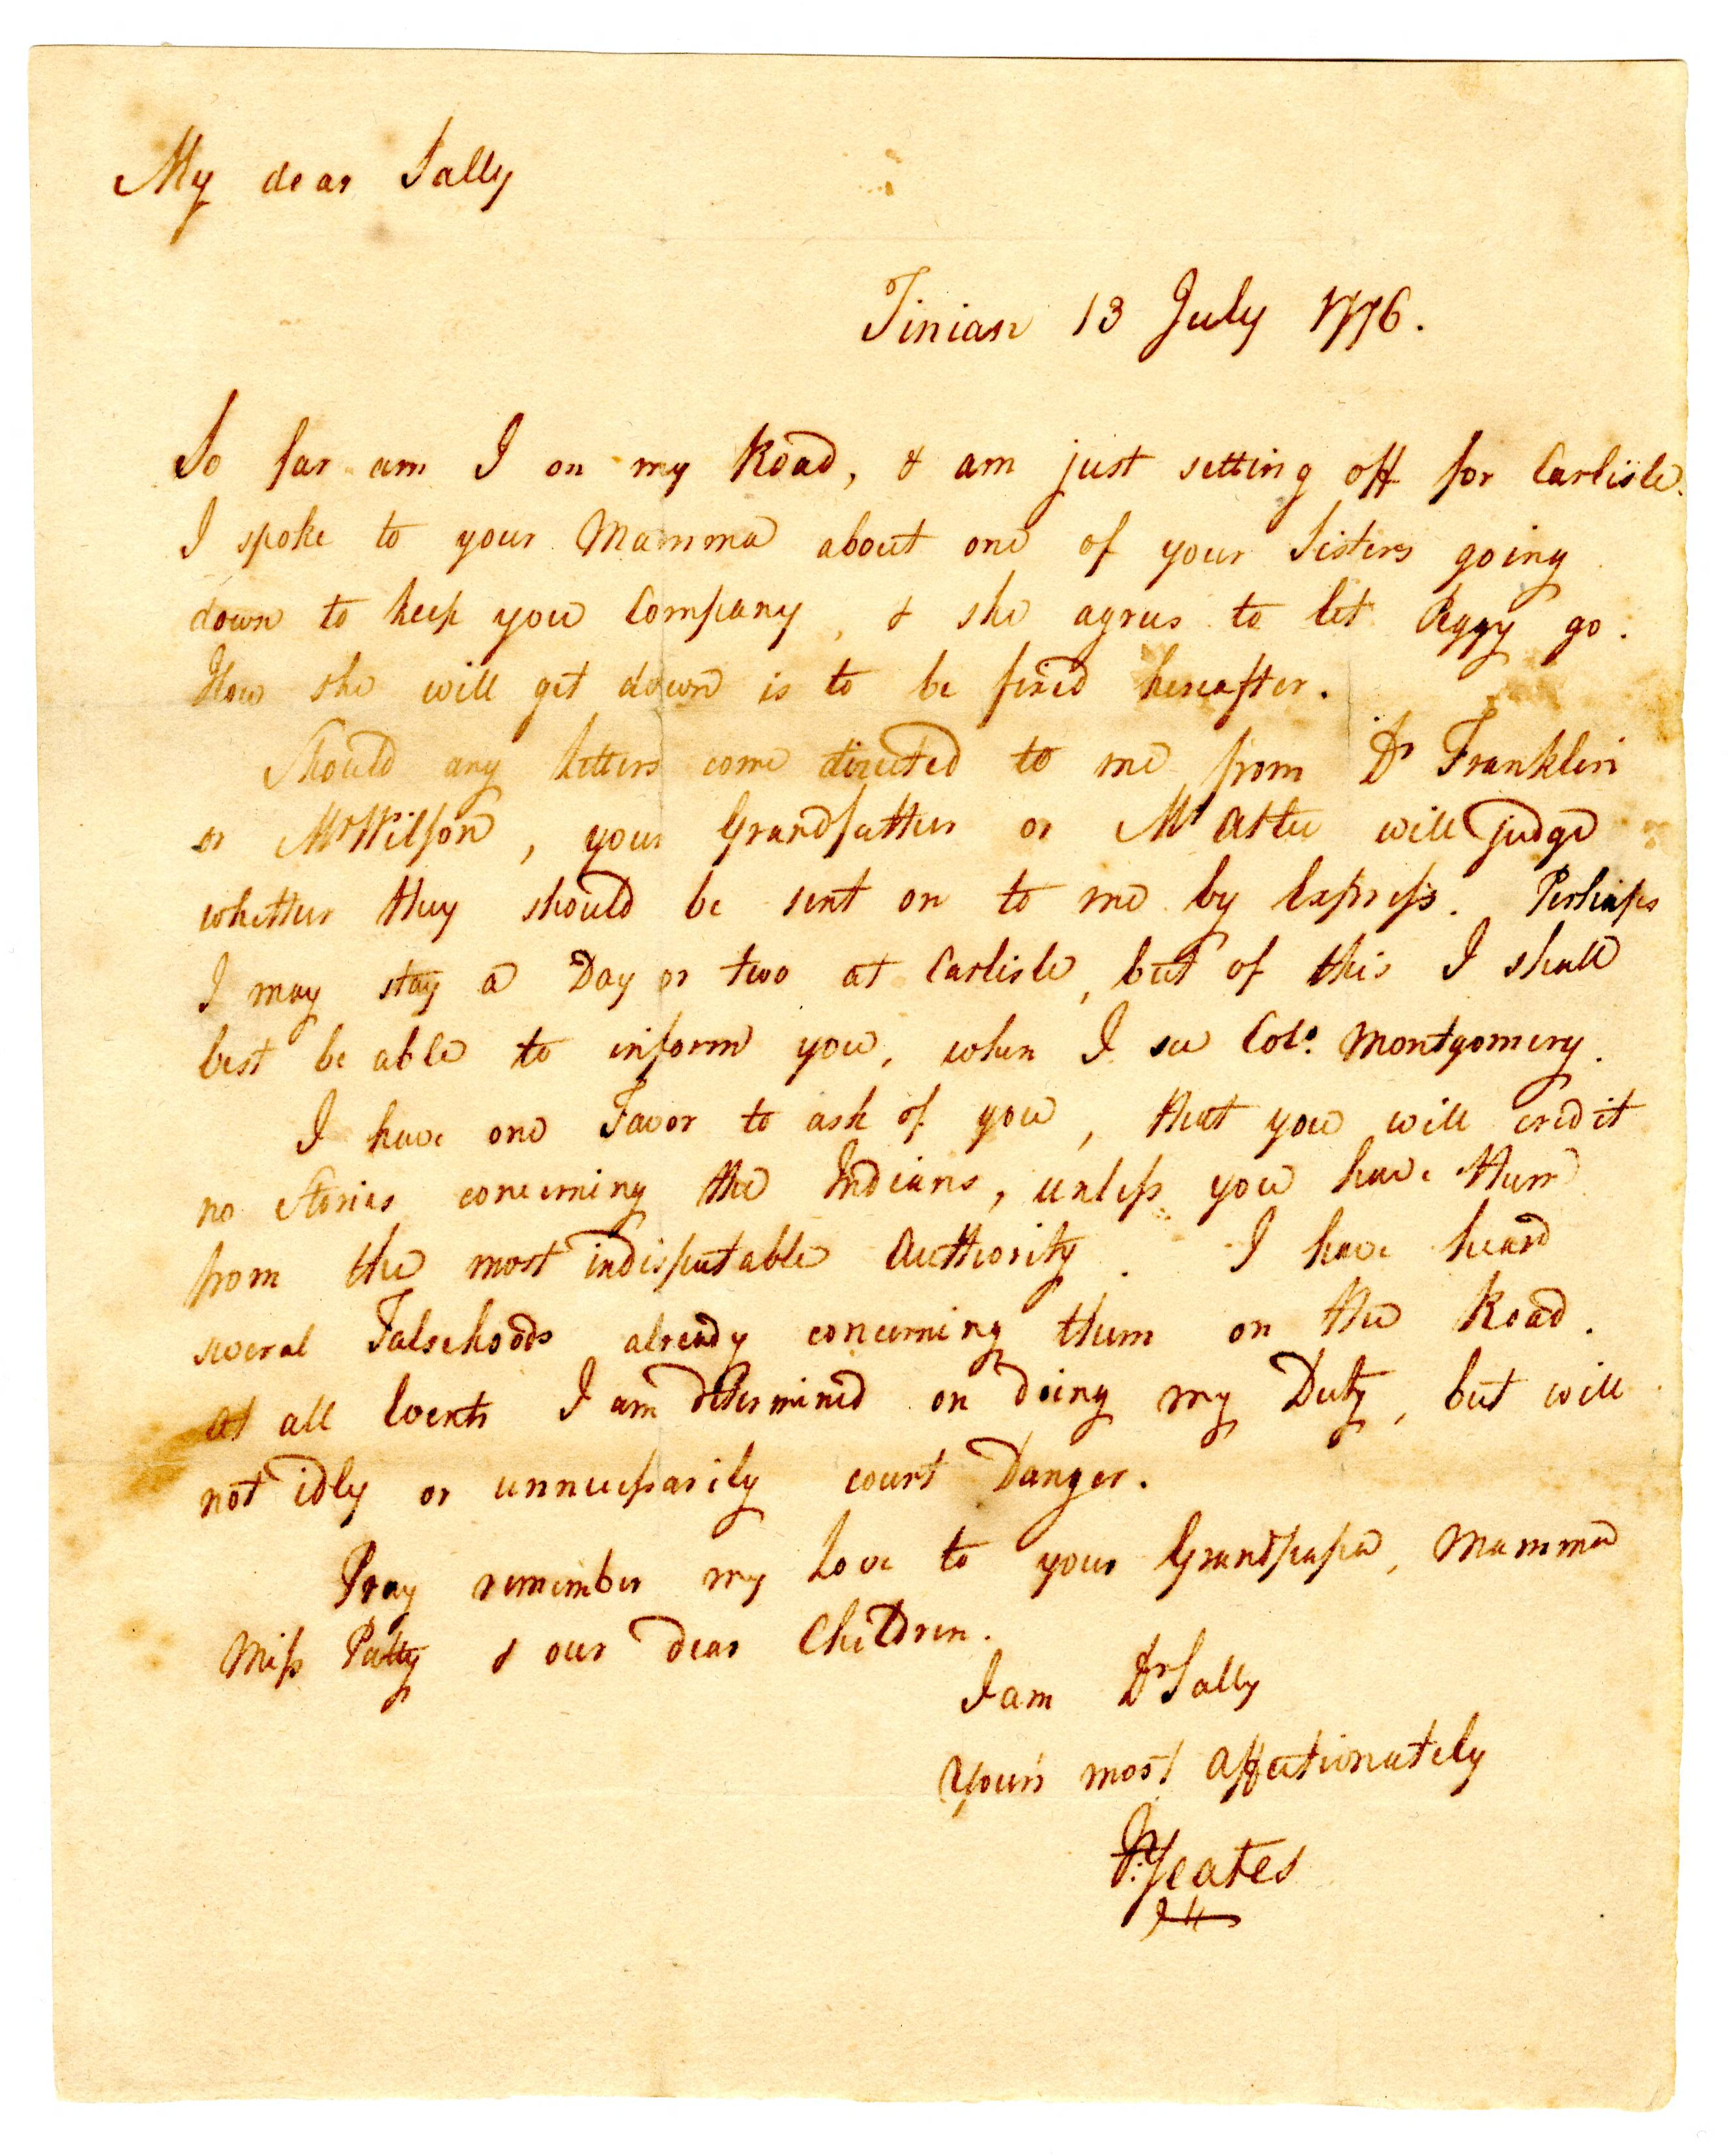Tinian 13 July 1776.
My dear Sally
So far am I on my Road, & am just setting off for Carlisle.
I spoke to your Mamma about one of your Sisters going
down to keep you company, & she agrees to let Peggy go.
How she will get down is to be fixed hereafter.
Should any Letters come directed to me from D^r Franklin
or M^r Wilson, your Grandfather or M^r Aster will judge
whether they should be sent on to me by Express. Perhaps
I may stay a Day or two at Carlisle but of this I shall
best be able to inform you, when I see Col^o. Montgomery.
I have one Favor to ask of you, that you will credit
no Stories concerning the Indians, unless you have them
from the most indisputable Authority. I have heard
several Falsehoods already concerning them on the Road.
At all Events I am determined on doing my Duty, but will
not idly or unnecessarily court Danger.
Pray remember my Love to your Grandpapa, Mamma
Miss Patty & our dear Children.
I am D^r Sally
Your's most affectionately
J: Yeates